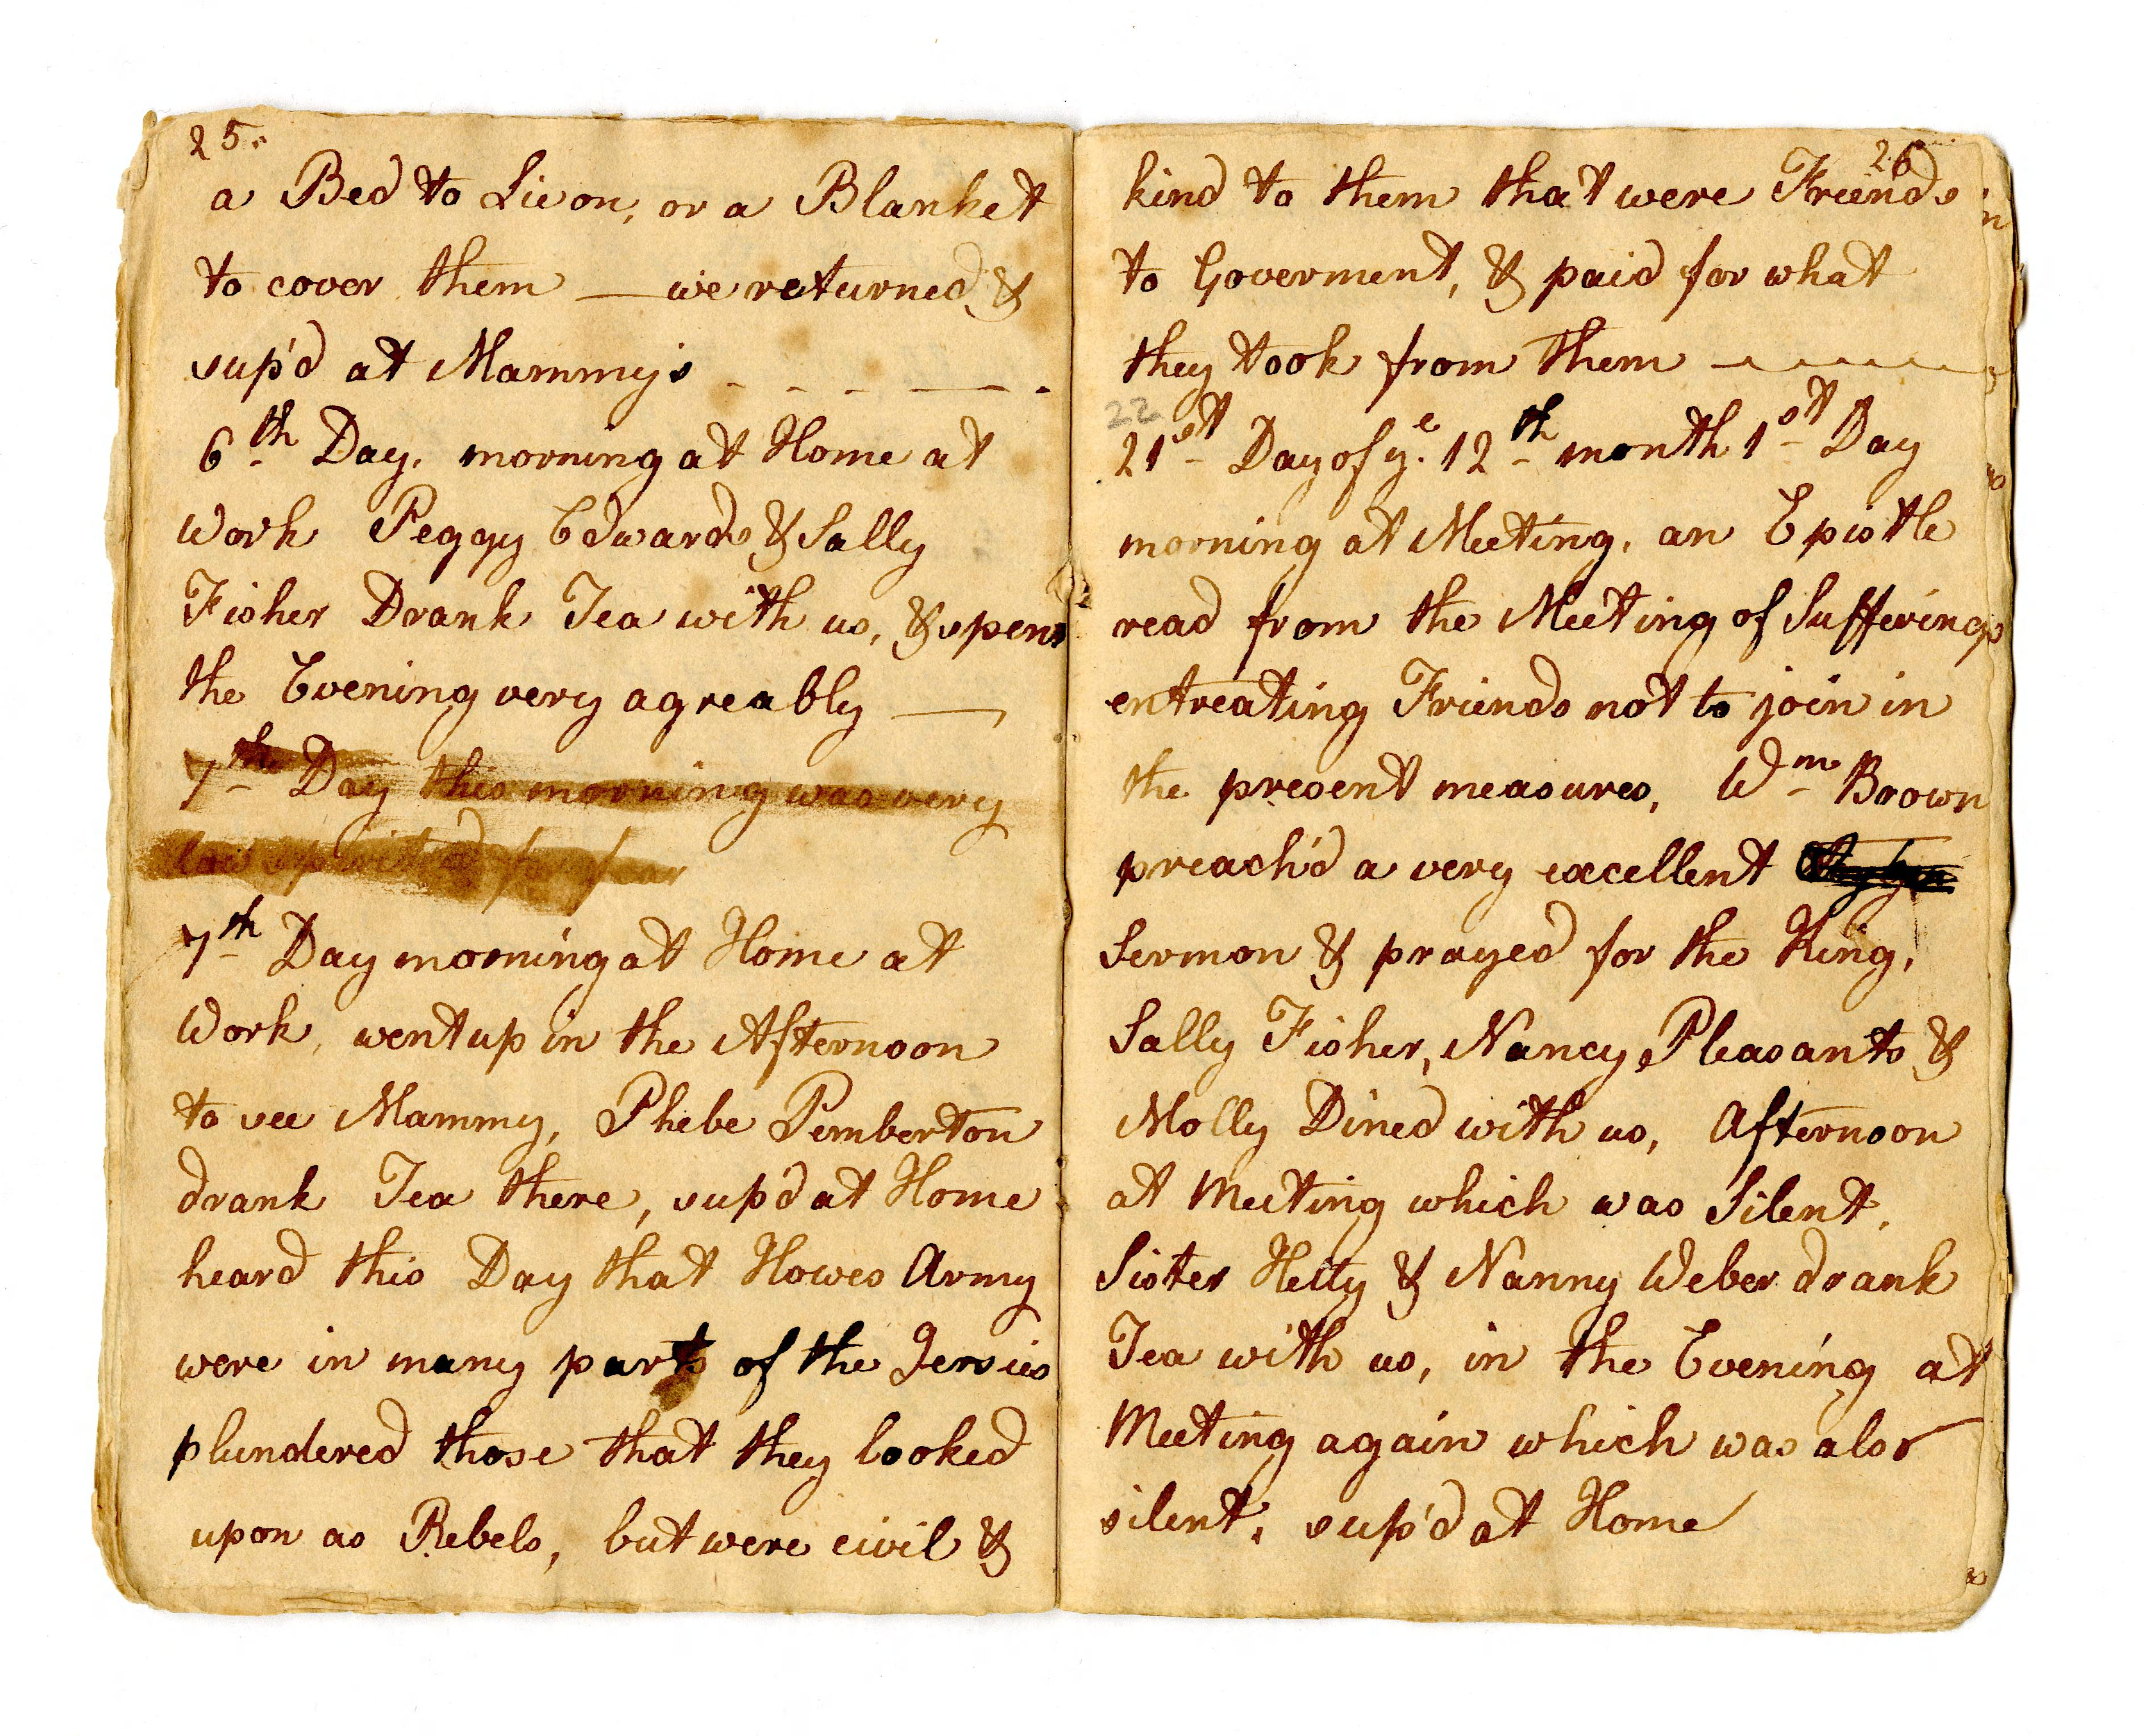25
a Bed to Lie on, or a Blanket
to cover them- we returned &
sup'd at Mammy's-
6^th. Day, morning at Home at
Work Peggy Edwards & Sally
Fisher Drank Tea with us, & spent
the Evening very agreably-
7^th Day this morning was very
low spirited for fear
7^th Day morning at Home at
Work, went up in the Afternoon
to see Mammy, Phebe Pemberton
drank Tea there, supd at Home
heard this Day that Howes Army
were in many parts of the Jersies
plundered those that they looked
upon a Rebels, but were civil &
26
kind to them that were Friends
to Government, & paid for what
they took from them-
21^st Day of y^e 12^th month 1^st Day
morning at Meeting, an Epistle
read from the Meeting of Sufferings
entreating Friends not to join in
the present measures, W^m Brown
preach'd a very excellent [______]
Sermon & prayed for the King,
Sally Fisher, Nancy Pleasants &
Molly Dined with us, Afternoon
at Meeting which was Silent,
Sister Hetty & Nancy Weber drank
Tea with us, in the Evening at
Meeting again which was a lot
silent, sup'd at Home